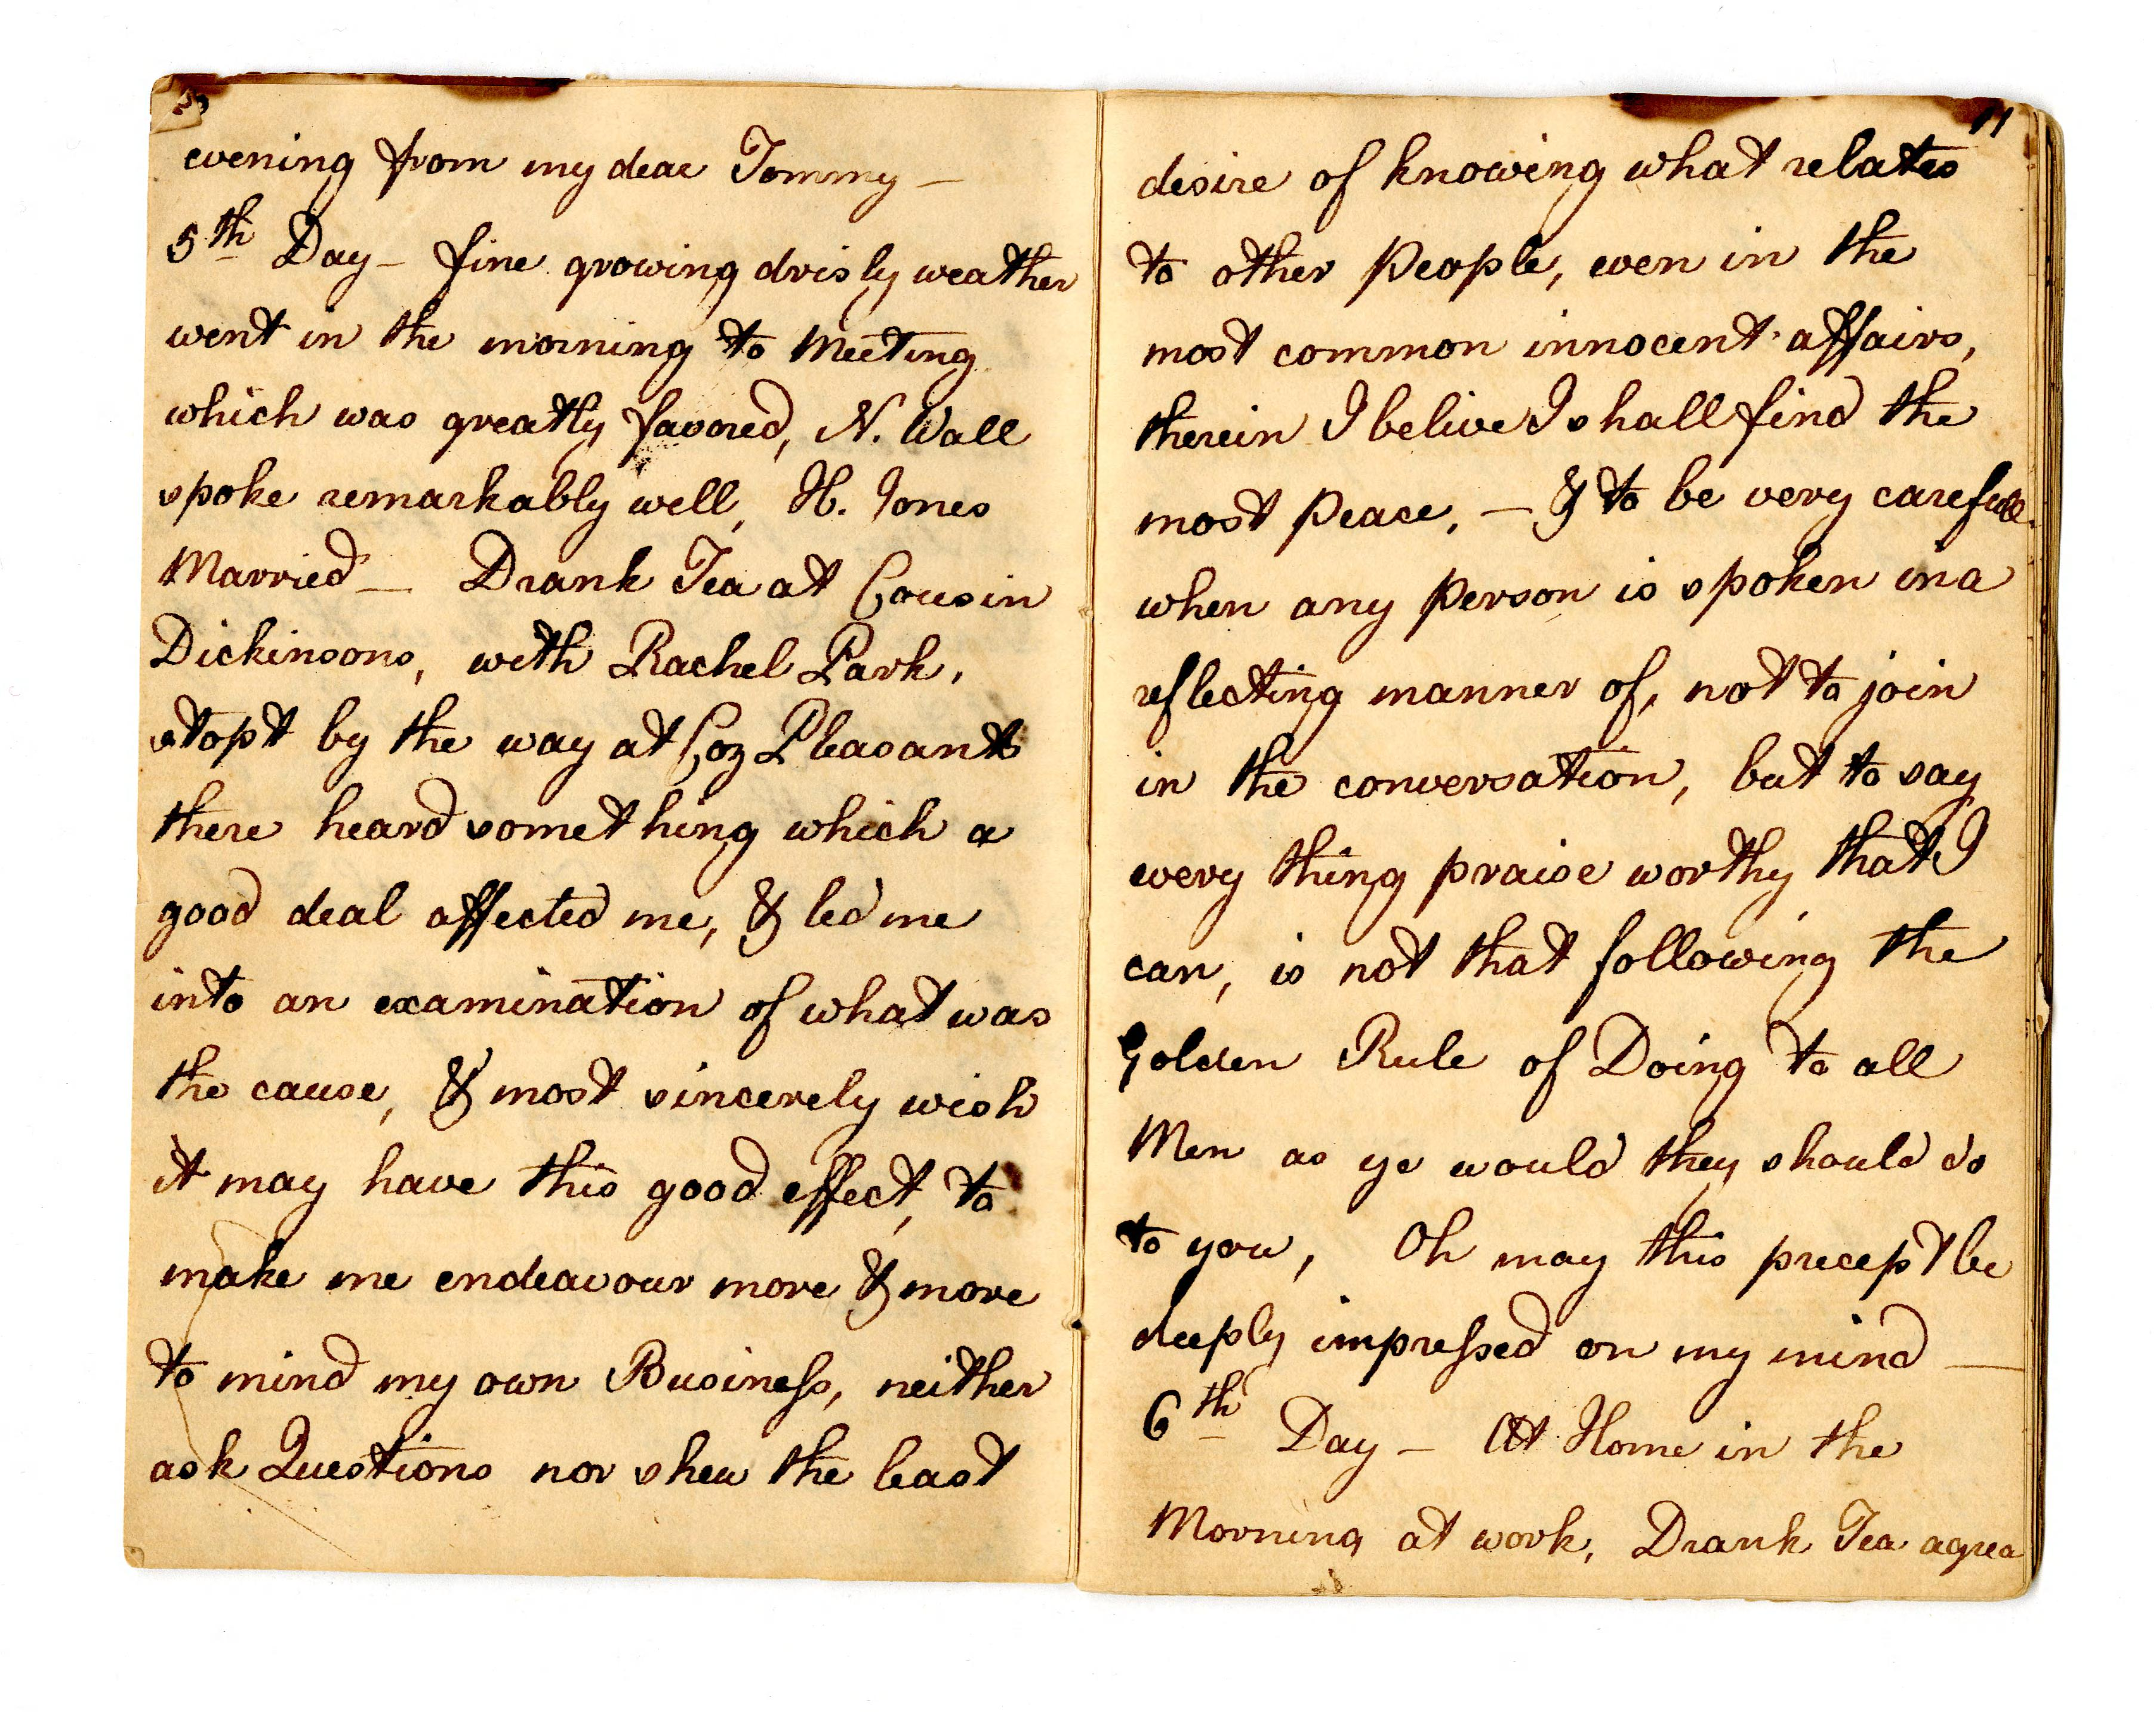evening from my dear Tommy-
5^th Day- fine growing drisly weather
went in the morning to Meeting
which was greatly favored, N. Wall
spoke remarkably well, H. Jones
Married- Drank Tea at Cousin
Dickinsons, with Rachel Park,
stopt by the way at Coz Pleasants
there heard something which a
good deal affected me, & led me
into an examination of what was
the cause, & most sincerely wish
it may have this good effect, to
make me endeavour more & more
to mind my own Business, neither
ask Questions nor shew the least
11
desire of knowing what relates
to other People, even in the
most common innocent affairs,
therein I belive I shall find the
most Peace,- & to be very carefull
when any person is spoken in a
reflecting manner of, not to join
in the conversation, but to say
every thing praise worthy that I
can, is not that following the
Golden Rule of Doing to all
Men as ye would they should do
to you, Oh may this precept be
deeply impressed on my mind-
6^th Day- At Home in the
Morning at work, Drank Tea agrea